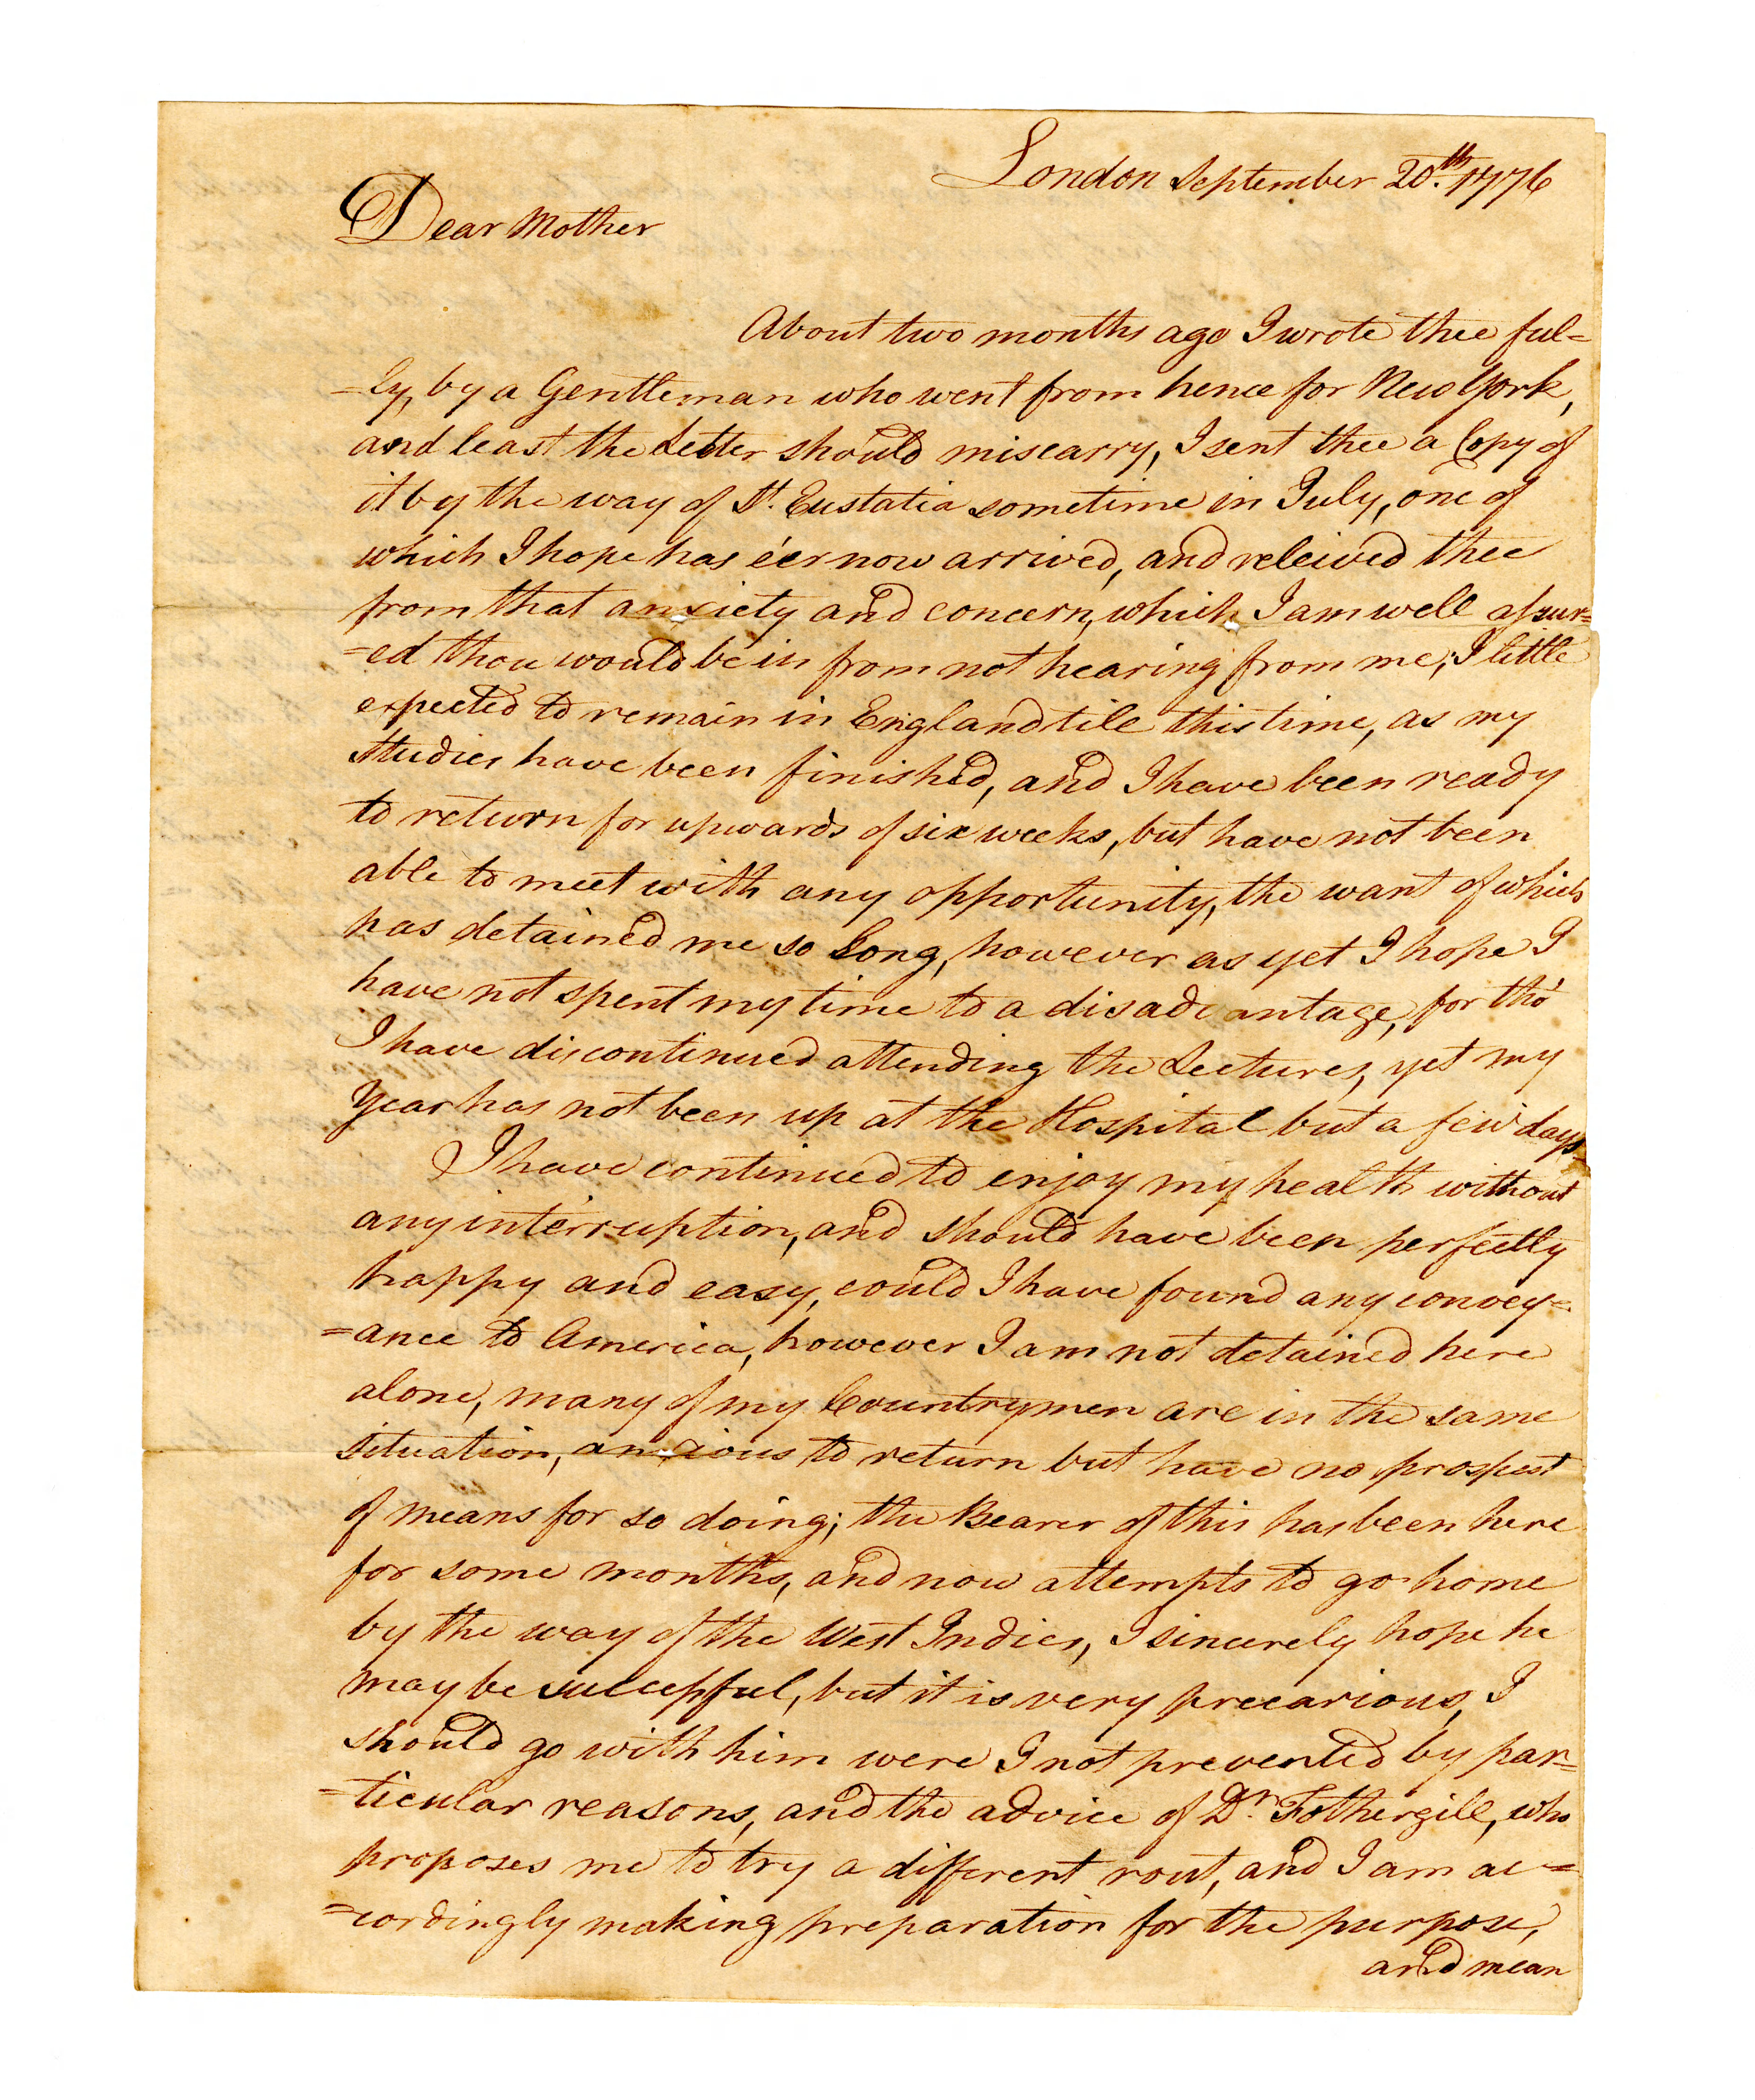London September 20^th. 1776
Dear Mother
About two months ago I wrote thee ful-
-ly, by a Gentleman who went from hence for New York,
and least the Letter should miscarry, I sent thee a Copy of
it by the way of S^t. Eustatia sometime in July, one of
which I hope has e'er now arrived, and releived thee
from that anxiety and concern, which I am well assur-
-ed thou would be in from not hearing from me; I little
expected to remain in England till this time, as my
Studies have been finished, and I have been ready
to return for upwards of six weeks, but have not been
able to meet with any opportunity, the want of which
has detained me so long, however as yet I hope I
have not spent my time to a disadvantage, for tho'
I have discontinued attending the Lectures, yet my
year has not been up at the Hospital but a few days.
I have continued to enjoy my health without
any interruption, and should have been perfectly
happy and easy, could I have found any convey-
-ance to America, however I am not detained here
alone, many of my Countrymen are in the same
situation, anxious to return but have no prospect
of means for so doing; the Bearer of this has been here
for some months, and now attempts to go home
by the way of the West Indies, I sincerely hope he
may be successful, but it is very precarious, I
should go with him were I not prevented by par-
-ticular reasons, and the advice of D^r. Fothergill, who
proposes me to try a different rout, and I am ac-
-cordingly making preparation for the purpose,
and mean